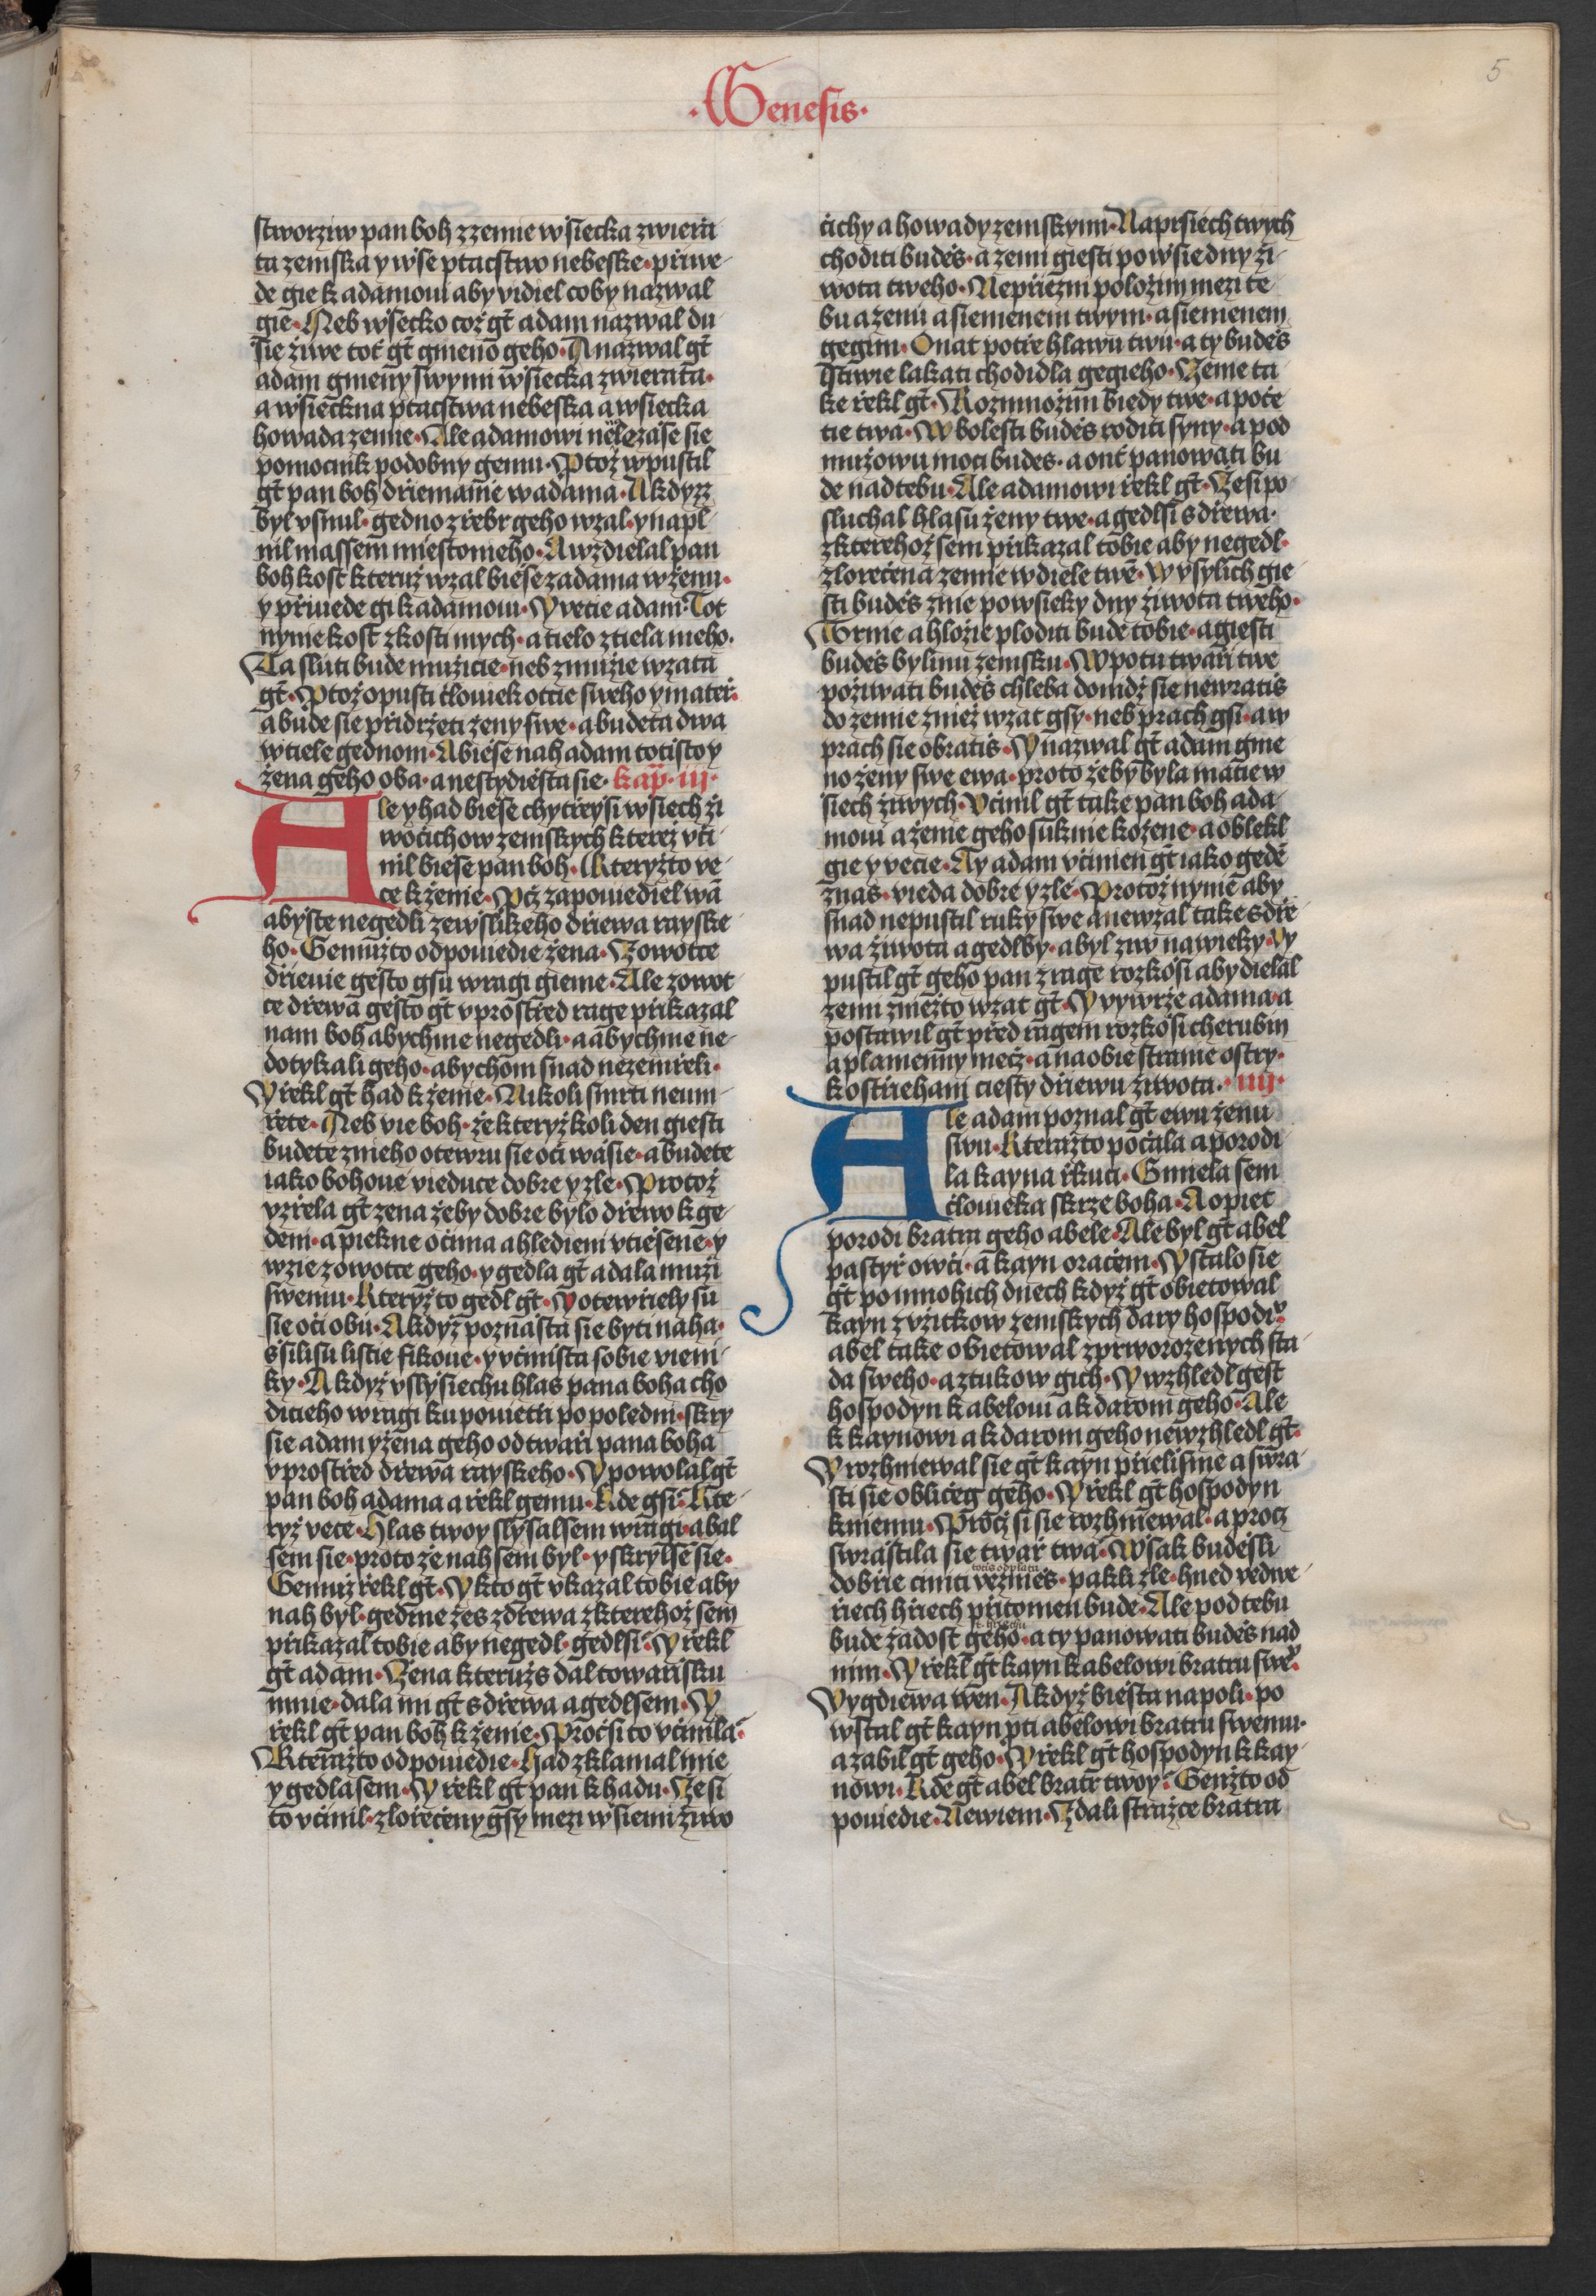.Geneſis.
ſtworziw pan boh z zemie wẛiecka zwieṙa¬
ta zemſka y wẛe ptacſtwo nebeſke.pṙíwe¬
de gie k adamoui aby vidiel coby nazwal
gie.Neb wẛecko coż ḡt adam nazwal du¬
ẛie żiwe toṫ ḡt gmeno geho.A nazwal ḡt
adam gmeny ſwymi wẛiecka zwierata.
a wẛieckna ptacſtwa nebeſka a wſiecka
howada zemie.Ale adamowí nenalezaẛe ſie
pomocník podobny gemu. Ꝓtoż wpuſtil
ḡt pan boh dṙíemaníe w adama.A kdyzz
byl vſnul.gedno z ṙebr geho wzal.y napl¬
nil maſſem míeſtonieho.A wzdielal pan
boh koſt kteruż wzal bieẛe zadama w żenu.
y pṙiuede gi k adamoui.Y vecie adam.Tot
nynie koſt zkoſtí mych.a tielo ztiela meho.
Ta ſlúti bude mużicie.neb z mużie wzata
ḡt. Ꝓtoż opuſti ċlouiek otcie ſweho y mateṙ.
a bude ſie pṙidrżeti żeny ſwe.a budeta dwa
w tiele gednom.A bieẛe nah adam totiẛto y
żena geho oba.a neſtydieẛta ſie. kap.iii.
le y had bieẛe chytṙeyẛi wẛiech żi¬
woċichow zemſkych ktereż vċi¬
nil bieẛe pan boh.Kteryżto ve¬
ce k żenie.Ꝓcž zapouiediel wā
abyẛte negedli zewẛlikeho dṙiewa rayſke¬
ho.Gemużto odpouiedie żena.Zowotce
dṙíeuie geẛto gſu wragi gieme.Ale zowot¬
ce dṙewa geẛto ḡt vproſtṙed rage pṙikazal
nam boh abychnie negedli.a abychme ne¬
dotykali geho.abychom ſnad nezemṙeli.
Y ṙekl ḡt had k żeníe.Nikoli ſmrti neum¬
ṙete.Neb vie boh.że kteryżkoli den gieſti
budete znieho otewru ſie oċi waẛie.a budete
iako bohoué vieduce dobre y zle.Protoż
vzṙela ḡt zena żeby dobre bylo dṙewo k ge¬
dení. a piekne oċima a hlediení vtieẛene.y
wzíe z owotce geho.y gedla ḡt a dala mużi
ſwemu.Kteryž to gedl ḡt.Y otewṙiely ſu
ſie oċí obú.A kdyż poznaẛta ſie bytí naha.
sẛili ſu liſtie fikoue.y vċiniẛta ſobie viení¬
ky.A kdyż vſlyẛíechu hlas pana boha cho¬
dicieho wragi ku pouíetṙi popolední.ſkry¬
ſie adam yżena geho odtwaṙi pana boha
vproſtṙed dṙewa rayſkeho.Y powolal ḡt
pan boh adama a ṙekl gemu.Kde gſi?Kte¬
ryż vece.Hlas twoy ſlyẛalſem wragi.a bal
ſem ſie.proto że nahſem byl.y ſkrylſē ſie.
Gemuż ṙekl ḡt.Y kto ḡt vkazal tobie aby
nah byl.gedine żes zdṙewa zkterehoż ſem
pṙikazal tobie aby negedl.gedlſi?Y ṙekl
ḡt adam.Żena kterużs dal towariẛku
mnie.dala mi ḡt s dṙewa a gedlſem.Y
ṙekl ḡt pan boh k żeníe.Proċſi to vċinila?
Kterażto odpouiedie.Had zklamal mie
y gedlaſem.Y ṙekl ḡt pan k hadu.Że ſi
to vċíníl.zloṙeċeny gſy mezi wẛiemi żiwo¬
ċichy a howady zemſkymi.Naprſiech twych
choditi budeṡ.a zemí gieſtí powẛiedny żi¬
wota tweho.Nepṙíezni polożim mezí te¬
bu a zemi a ſiemenem twym.a ſiemenem
gegim.Onat potṙe hlawu twú.a ty budeṡ
lſtiwie lakati chodidla gegieho.Zenie ta¬
ke ṙekl ḡt.Rozmnożim biedy twe.a poċe¬
tie twa.W boleſti budeṡ roditi ſyny.a pod
mużowu moci budes.a onṫ panowati bu¬
de nadtebu.Ale adamowi ṙekl ḡt.Żeſi po¬
ſluchal hlaſú żeny twe.a gedlſi s dřewa.
z kterehoż ſem pṙikazal tobie aby negedl.
zloreċena zemie wdiele twē.W vſylich gie¬
ſti budeṡ zníe powẛíeky dny żíwota tweho.
Trníe a hlożie ploditi bude tobie.a gieſti
budeṡ bylinu zemſku.Wpotu twaṙí twe
pożiwati budeṡ chleba donídż ſie newratiṡ
do zemie znież wzat gſy.neb prach gſi.a w
prach ſíe obratiṡ.Y nazwal ḡt adam gme¬
no żeny ſwe ewa.proto żeby byla matie w
ẛiech żiwych.Vċinil ḡt take pan boh ada¬
moui a żenie geho ſukníe kożene.a oblekl
gie y vecie.Ty adam vċínien ḡt iako gedē
znas.vieda dobré y zlé.Protoż nyníe aby
ſnad nepuſtil ruky ſwe a newzal take sdṙe¬
wa żíwota a gedlby.a byl ziw na wieky. Vy¬
puſtil ḡt geho pan z rage rozkoẛí aby dielal
zemi zníeżto wzat ḡt.Y vywrże adama.a
poſtawil ḡt pṙed ragem rozkoẛi cherubín
a plamenny mecż.a na obie ſtranie oſtry.
koſtṙiehaní cieſty dṙiewu żiwota..iiij.
le adam poznal ḡt ewu żenu
ſwu.Kterażto poċala a porodi¬
la kayna ṙkuci.Smiela ſem
ċlouieka ſkrze boha.A opiet
porodí bratra geho abele.Ale byl ḡt abel
paſtyṙ owċí.a kayn oraċem.Yſtalo ſíe
ḡt po mnohich dnech kdyż ḡt obietowal
kayn z vżitkow zemſkych dary hoſpodiv.
abel take obietowal zprworozenych ſta¬
da ſweho.a ztukow gich.Y wzhledl geſt
hoſpodyn k abeloui a k darom geho. Ale
k kaynowi a k darom geho newzhledl ḡt.
Y rozhníewal ſíe ḡt kayn pṙíeliẛnie a ſwra¬
ſtí ſie obliċeg geho.Y ṙekl ḡt hoſpodyn
kníemu.Procż ſi ſie rozhníewal.a procz
ſwraẛtila ſie twaṙ twa?Wẛak budeẛli
totis odplatu
dobṙie cínítí wezmeṡ.pakli zle.hned vedwe¬
ṙiech hṙiech pṙitomen bude. Ale pod tebu
t.hriechu
bude żadoſt geho.a ty panowati budeṡ nad
ním.Y ṙekl ḡt kayn k abelowi bratru ſwev.
Vygdiewa wen. Akdyż bieẛta napoli.po¬
wſtal ḡt kayn ꝓti abelowi bratru ſwemu.
a zabil ḡt geho.Y ṙekl ḡt hoſpodyn k kay¬
nowi. Kde ḡt abel bratr twoy? Genżto od¬
pouiedie.Newiem.Zdali ſtrażce bratra